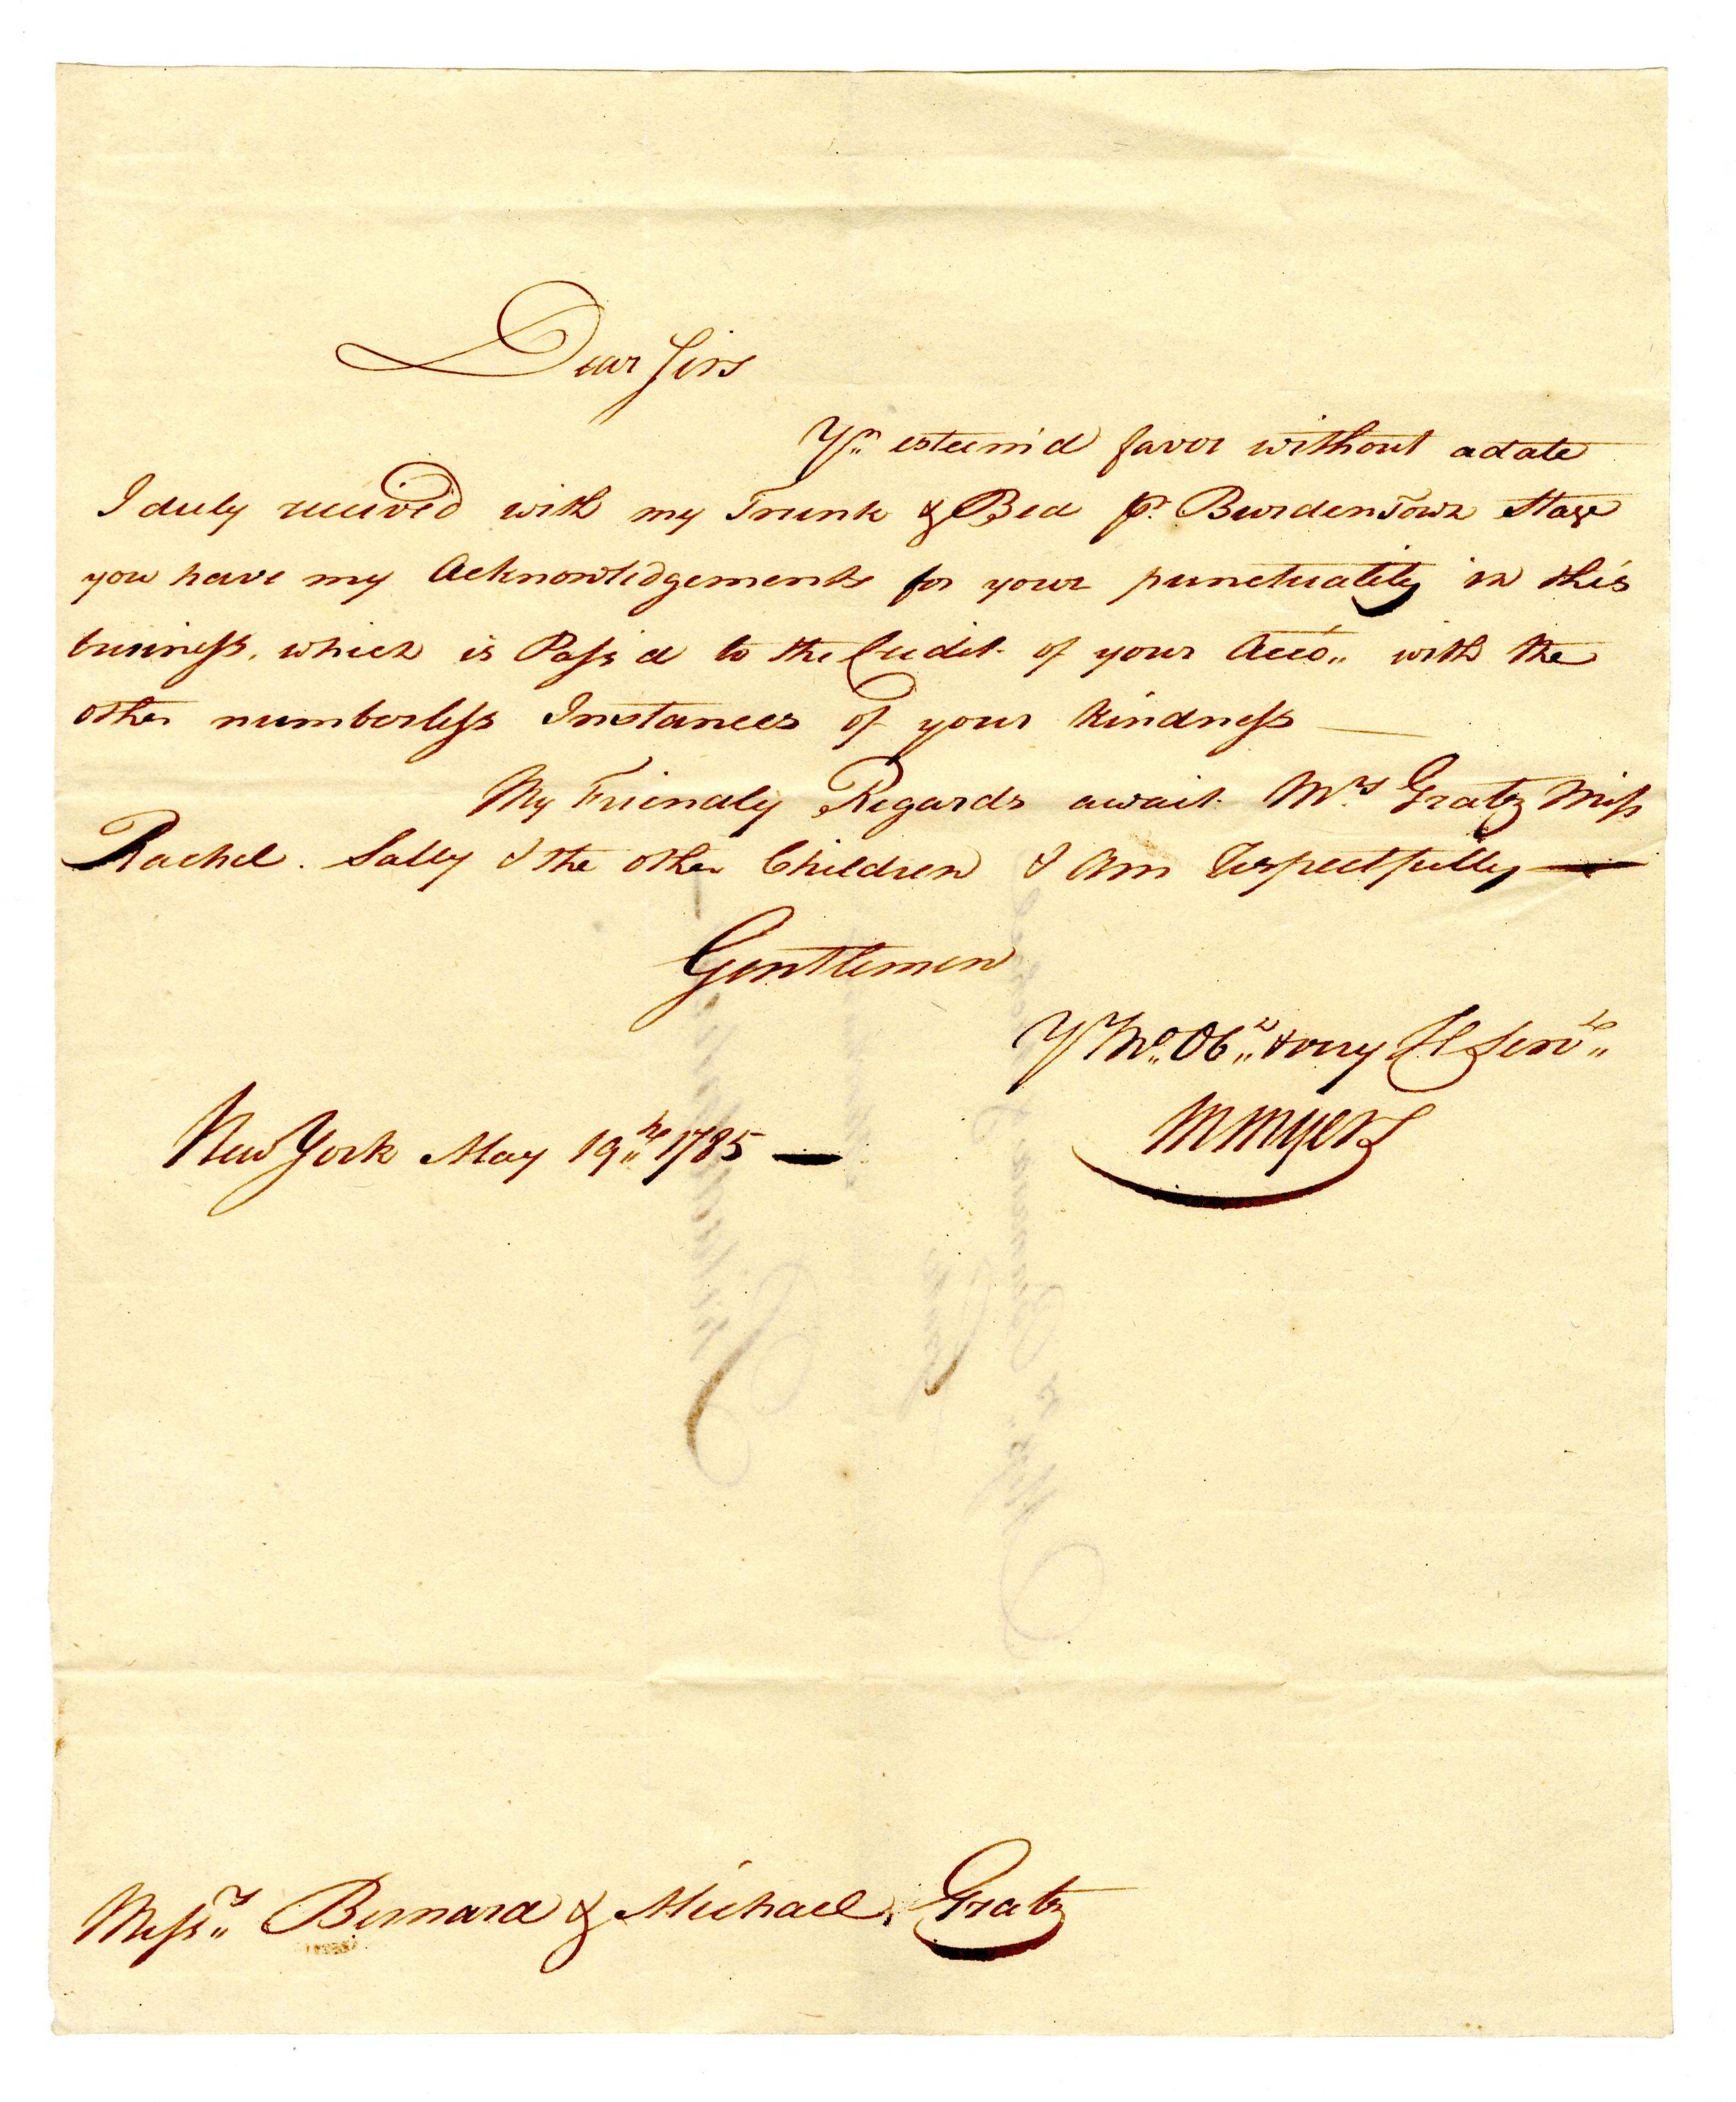Dear Sirs
Y^r. esteem'd favor without a date
I duly received with my Trunk & Bed p^t. Burden Town Stage
you have my Acknowlidgements for your punctuality in this
business, which is Pass'd to the Credit of your acco^t. with the
other numberless Instances of your kindness
My Friendly Regards await M^rs. Gratz miss
Rachel. Sally & the other Children & am Respectfully-
Gentlmen
Y^r m^o Ob^t. very H Serv^t
M Myers
New York May 19^th 1785
Mess^s. Bernard & Michael Gratz